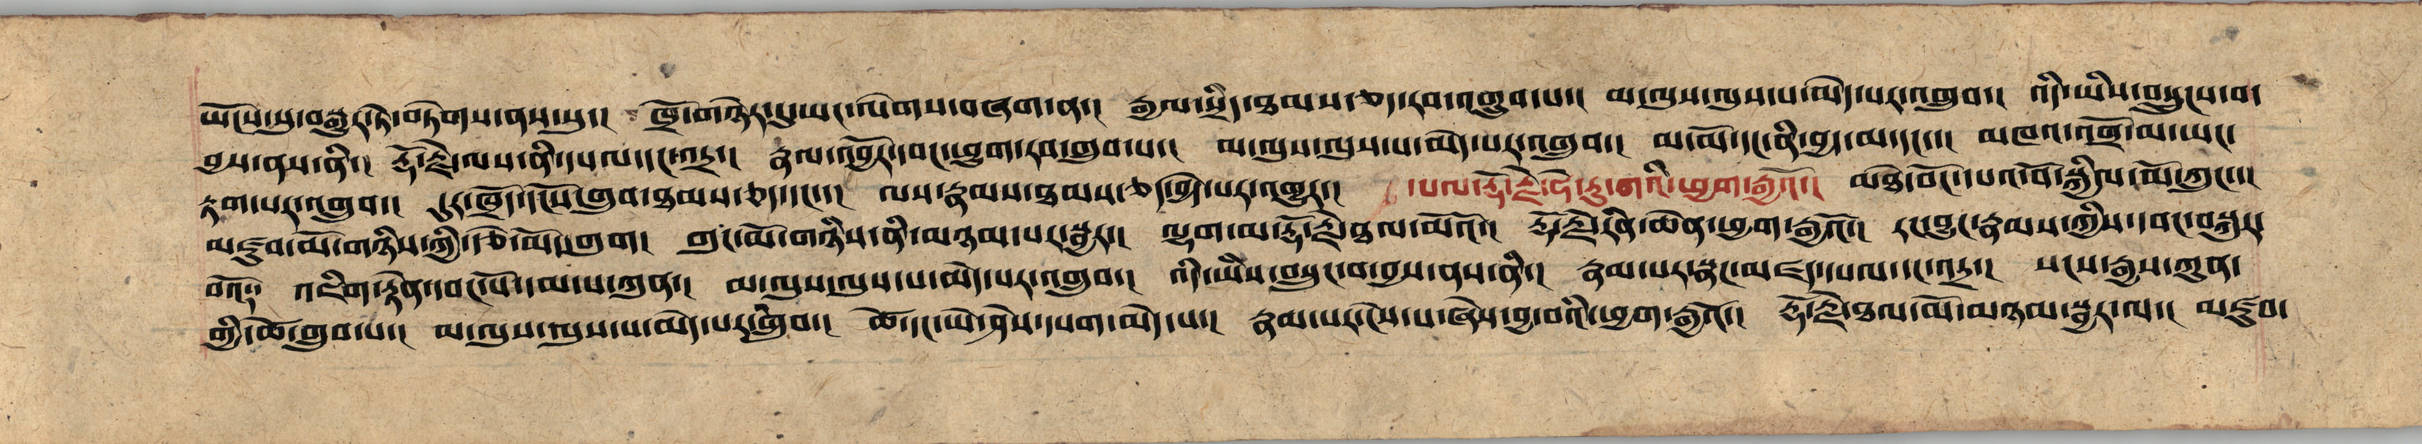ཡོངས་སུ་བསྒྱུར་ཏེ་བཏེགས་ནས་སུ་། ཁྲོ་གཉེར་དུ་ཡང་ལེགས་བཞག་ན་། རྒྱལ་སྲིད་ཐམས་ཅད་རབ་འགྲུབ་པ་། མ་ལུས་ལུས་པ་མེད་པར་འགྲུབ་། འདི་ཡིས་བསྲུངས་བ་
བྱས་ནས་ནི་། རྡོ་རྗེ་ལས་ནི་དཔལ་དང་འདྲ་། རྣལ་འབྱོར་དབང་ཕྱུག་རབ་གྲུབ་པ་། མ་ལུས་ལུས་པ་མེད་པར་འགྲུབ་། མ་མོ་དང་ནི་བྱད་མ་དང་་། མཁའ་འགྲོ་མ་ཡང་
རྟག་པར་འགྲུབ་། དུར་ཁྲོད་དངོས་གྲུབ་ཐམས་ཅད་དང་་། ལས་རྣམས་ཐམས་ཅད་བྱེད་པར་འགྱུར་། དཔལ་རྡོ་རྗེ་ཧེ་རུ་ཀའི་ཕྱག་རྒྱའོ་། མཐེ་བོང་དཔའ་བོ་སྐྱིལ་མོ་ཀྲུང་་།
མཛུབ་མོ་གཉིས་ཀྱི་རྩེ་མོ་གུག། གུང་མོ་གཉིས་ནི་མཉམ་པར་སྦྱར་། ལྷག་མ་རྡོ་རྗེ་ཐལ་མོའོ། རྡོ་རྗེ་རིན་ཆེན་ཕྱག་རྒྱའོ་། རང་བྱུང་རྣམས་ཀྱིས་དབང་བསྐུར་
བའོ༑ འཇིག་རྟེན་དབང་པོ་དམ་པ་ཀུན་། མ་ལུས་ལུས་པ་མེད་པར་འགྲུབ་། འདི་ཡིས་བསྲུང་བ་བྱས་ནས་ནི་། རྣམ་པར་སྣང་མཛད་དཔལ་དང་འདྲ་། སངས་རྒྱས་ཀུན་
གྱི་ཚེ་གྲུབ་པ་། མ་ལུས་ལུས་པ་མེད་པར་གྲུབ་། ཚེ་དང་ཡེ་ཤེས་དཔག་མེད་པ་། རྣམ་པར་ངེས་པ་ཞེས་བྱ་བའི་ཕྱག་རྒྱའོ་། རྡོ་རྗེ་ཐལ་མོ་མཉམ་སྦྱར་ལ་། མཛུབ་